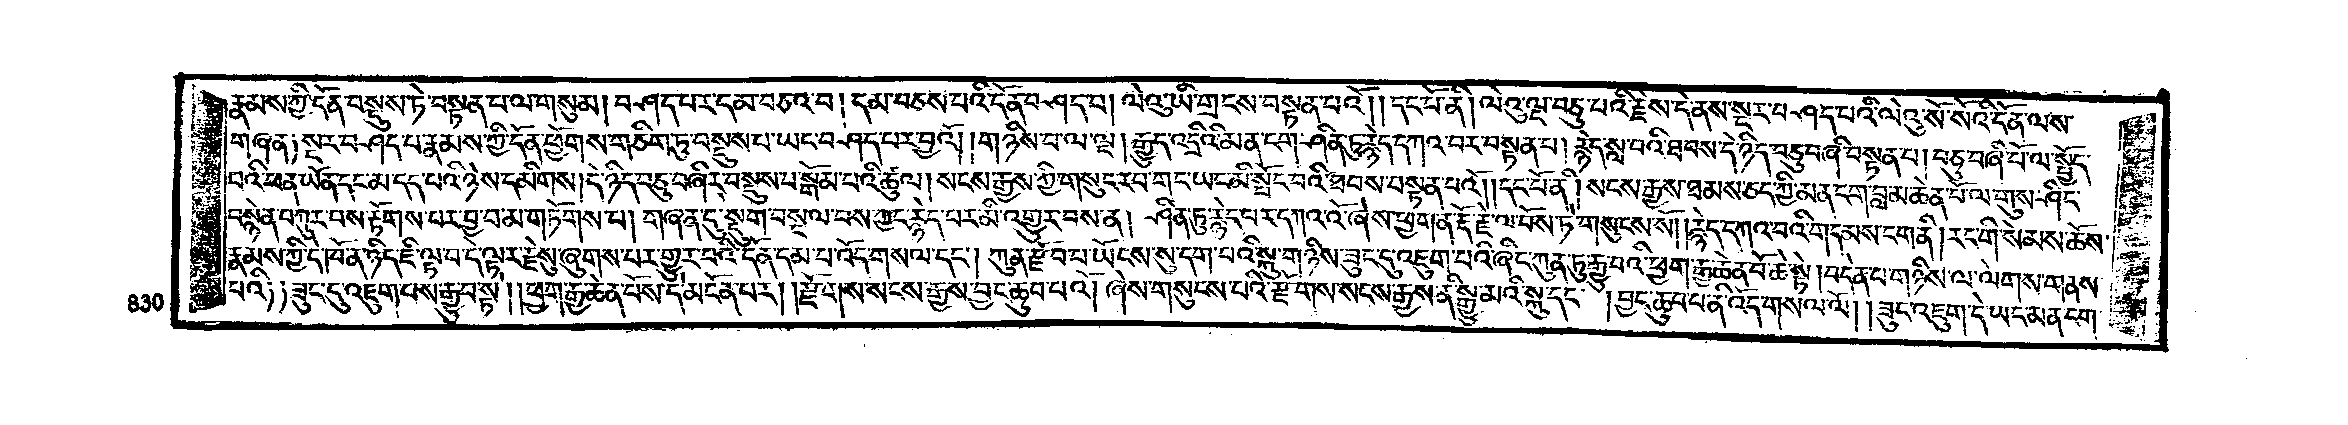རྣམས་ཀྱི་དོན་བསྡུས་ཏེ་བསྟན་པ་ལ་གསུམ། བཤད་པར་དམ་བཅའ་བ། དམ་བཅས་པའི་དོན་བཤད་པ། ལེའུ་ཡི་གྲངས་བསྟན་པའོ། །དང་པོ་ནི། ལེའུ་ལྔ་བཅུ་པའི་རྗེས་དེ་ནས་སྔར་བཤད་པའི་ལེའུ་སོ་སོའི་དོན་ལས་
གཞན། སྔར་བཤད་པ་རྣམས་ཀྱི་དོན་ཕྱོགས་གཅིག་ཏུ་བསྡུས་པ་ཡང་བཤད་པར་བྱའོ། །གཉིས་པ་ལ་ལྔ། རྒྱུད་འདྲིའི་མན་ངག་ཤིན་ཏུ་རྙེད་དཀའ་བར་བསྟན་པ། རྙེད་སླ་བའི་ཐབས་དེ་ཉིད་བཅུ་བཞི་བསྟན་པ། བཅུ་བཞི་པོ་ལ་སྤྱོད་
པའི་ཕན་ཡོན་དང་མ་དད་པའི་ཉེས་དམིགས། དེ་ཉིད་བཅུ་བཞིར་བསྡུས་པ་སྒོམ་པའི་ཚུལ། སངས་རྒྱས་ཀྱི་གསུང་རབ་གང་ཡང་མི་སྤོང་བའི་ཐབས་བསྟན་པའོ། །དང་པོ་ནི། སངས་རྒྱས་ཐམས་ཅད་ཀྱི་མན་ངག་བླ་མ་ཆེན་པོ་ལ་གུས་ཤིང་
བསྙེན་བཀུར་བས་རྟོགས་པར་བྱ་བ་མ་གཏོགས་པ། གཞན་དུ་སྡུག་བསྔལ་བས་ཀྱང་རྙེད་པར་མི་འགྱུར་བས་ན། ཤིན་ཏུ་རྙེད་པར་དཀའ་འོ་ཞེས་ཕྱག་ན་རྡོ་རྗེ་ལ་བོས་ཏེ་གསུངས་སོ། །རྙེད་དཀའ་བའི་གདམས་ངག་ནི། རང་གི་སེམས་ཆོས་
རྣམས་ཀྱི་དེ་ཁོ་ན་ཉིད་ཇི་ལྟ་བ་དེ་ལྟར་རྗེས་སུ་ཞུགས་པར་གྱུར་པའི་དོན་དམ་པ་འོད་གསལ་དང་། ཀུན་རྫོབ་པ་ཡོངས་སུ་དག་པའི་སྐུ་གཉིས་ཟུང་དུ་འཇུག་པའི་ཞིང་ཀུན་ཏུ་རྒྱུ་བའི་ཕྱག་རྒྱ་ཆེན་པོ་ཆེ་སྟེ། བདེན་པ་གཉིས་ལ་ལེགས་གནས་
པའི། །ཟུང་དུ་འཇུག་པས་རྒྱུ་བ་སྟེ། །ཕྱག་རྒྱ་ཆེན་པོས་དེ་མངོན་པར། །རྫོགས་སངས་རྒྱས་བྱང་ཆུབ་པའོ། །ཞེས་གསུངས་པའི་རྫོགས་སངས་རྒྱས་ནི་སྒྱུ་མའི་སྐུ་དང་། བྱང་ཆུབ་པ་ནི་འོད་གསལ་ལོ། །ཟུང་འཇུག་དེ་ཡང་མན་ངག་